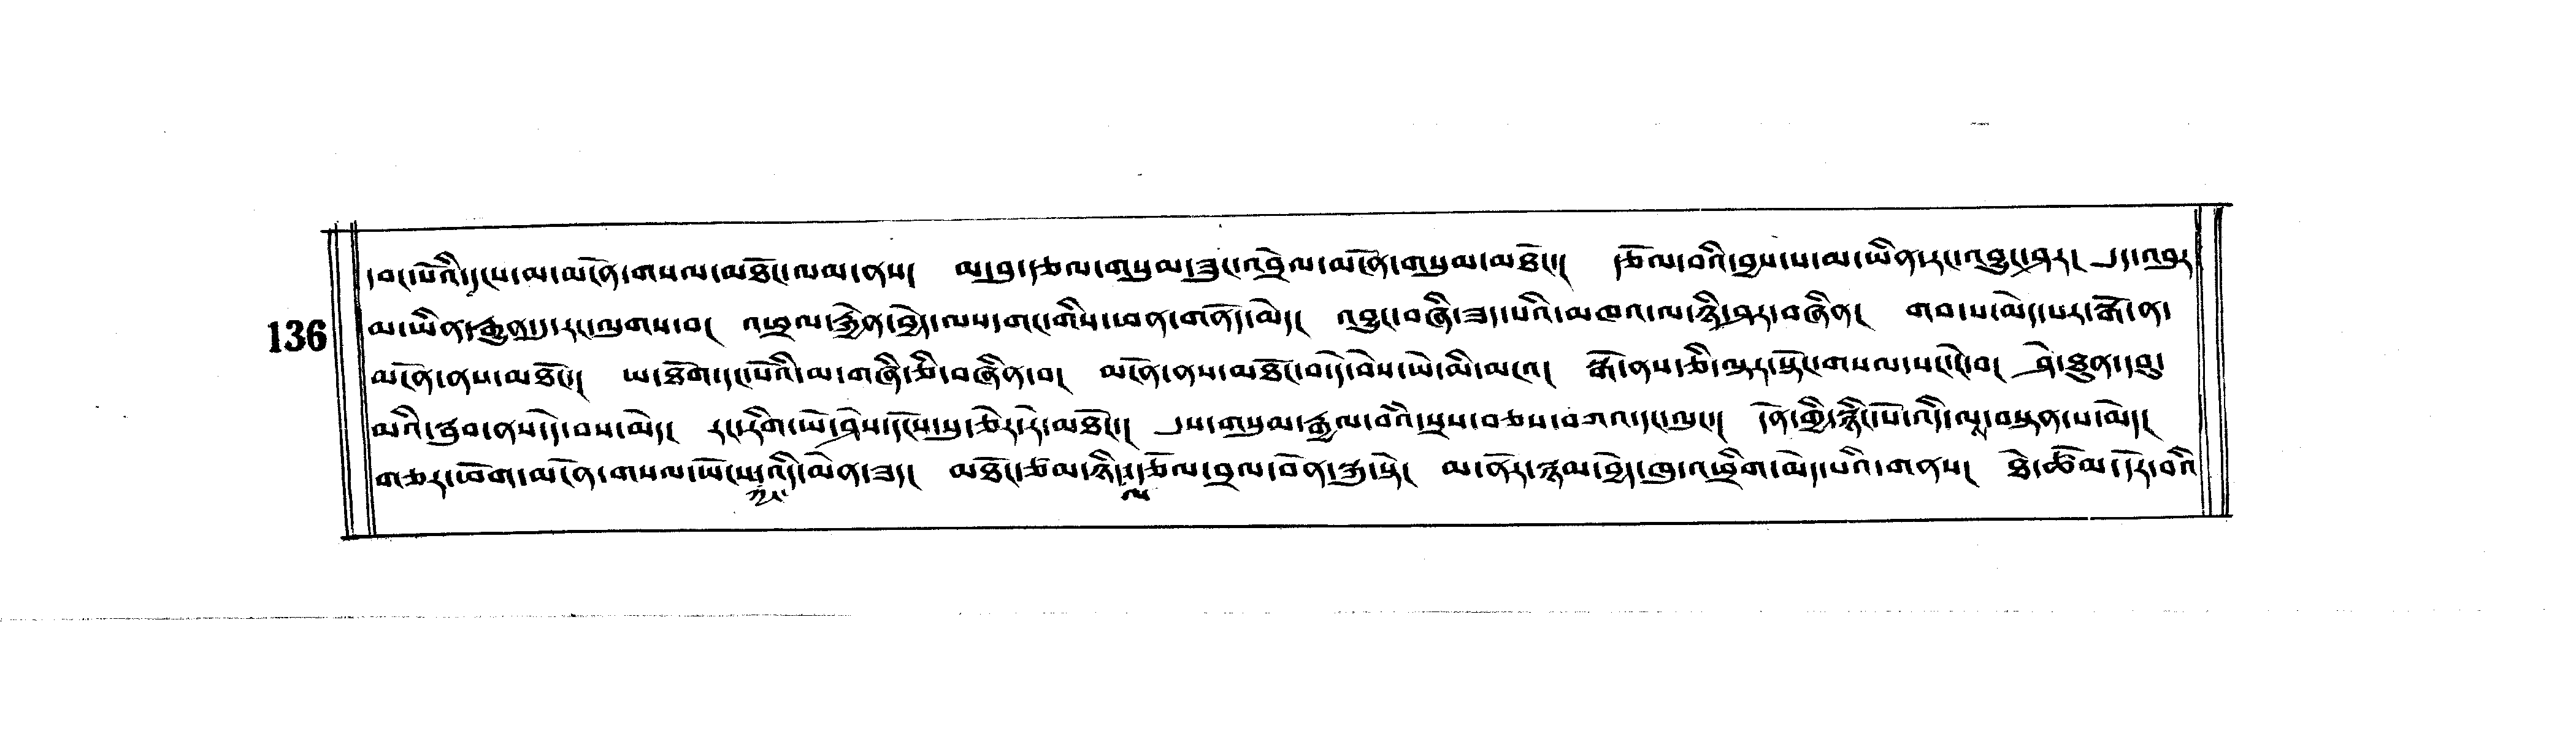དབང་པོའི་དྭངས་མ་མངོན་གསལ་མཐོང་ལམ་ནས། མ་བུ་རྩལ་གསུམ་ཟུང་འབྲེལ་མངོན་སུམ་མཐོང་། རྩོལ་བས་བྱས་པ་མ་ཡིན་རང་འབྱུང་ཤར། དུད་འབུར་
མ་ཡིན་རྒྱུན་དུ་རང་ལུགས་པ། འཕྲལ་རྐྱེན་བྱེད་ལས་གང་གིས་ཕན་གནོད་མེད། འབྱུང་བཞི་ཟད་པའི་མཁའ་ལ་ཉི་ཤར་བཞིན། གབ་པ་མེད་པར་སྒོ་ན་
མངོན་ནས་མཐོང་། ཡ་ཐོག་དང་པོའི་མ་གཞི་ཅི་བཞིན་པ། མངོན་ནས་མཐོང་བ་དེ་བས་ཡེ་མི་མངའ། སྒོ་ནས་ཅི་ལྟར་སྟོང་གསལ་སང་ངེ་བ། ཤེ་ཐུན་དབུ་
མའི་སྦུབས་ནས་དེ་བས་མེད། རང་རིག་ཡེ་ཤེས་དངོས་སུ་ཅེ་རེ་མཐོང་། དུས་གསུམ་རྒྱལ་བའི་སྲས་བཅས་བཀའ་དང་ལུང་། དོན་གྱི་སྙིང་པོ་འདི་ལས་བསྟན་པ་མེད། 
གཅར་ཕོག་མངོན་གསལ་ཡོངས་ཀྱང་འདི་མེན་ཟད། མཐོང་ཙམ་ཉིད་ལས་རྩོལ་བྲལ་བོན་སྐུ་སྟེ། མ་ནོར་སྙམ་བྱེད་ཁུ་འཕྲིག་མེད་པའི་གནས། ཐེ་ཚོམ་དོར་བའི་